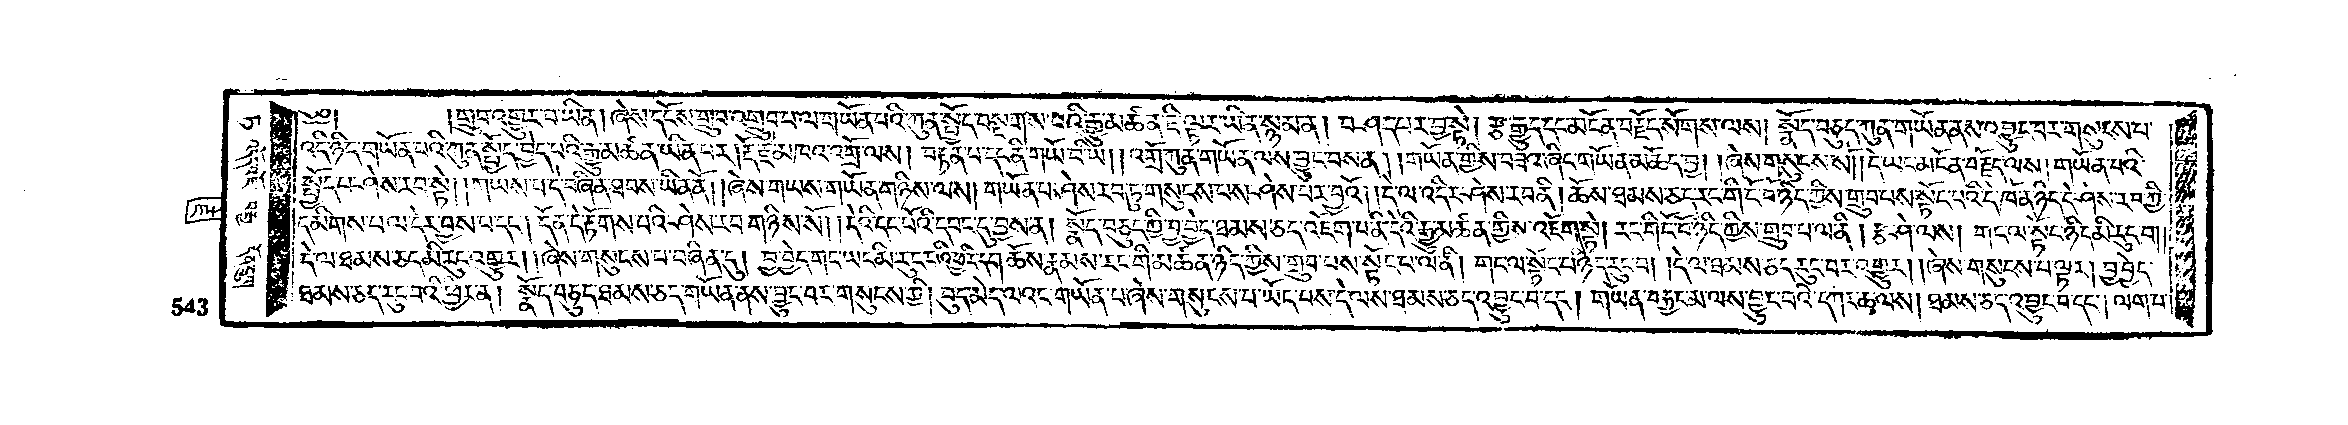༄༅། །གྲུབ་འགྱུར་བ་ཡིན། ཞེས་དངོས་གྲུབ་འགྲུབ་པ་ལ་གཡོན་པའི་ཀུན་སྤྱོད་བསྔགས་པའི་རྒྱུ་མཚན་ཇི་ལྟར་ཡིན་སྙམ་ན། བཤད་པར་བྱ་སྟེ། རྩ་རྒྱུད་དང་མངོན་བརྗོད་སོགས་ལས། སྣོད་བཅུད་ཀུན་གཡོན་ནས་འབྱུང་བར་གསུངས་པ་
འདི་ཉིད་གཡོན་པའི་ཀུན་སྤྱོད་བྱེད་པའི་རྒྱུ་མཚན་ཡིན་པར། རྡོ་རྗེ་མཁའ་འགྲོ་ལས། བརྟན་པ་དང་ནི་གཡོ་བ་ཡི། །འགྲོ་ཀུན་གཡོན་ལས་བྱུང་བས་ན། །གཡོན་གྱིས་བཟའ་ཞིང་གཡོན་མཆོད་བྱ། །ཞེས་གསུངས་སོ། །དེ་ཡང་མངོན་བརྗོད་ལས། གཡོན་པའི་
སྤྱོད་པ་ཤེས་རབ་སྟེ། །གཡས་པ་དེ་བཞིན་ཐབས་ཡིན་ནོ། །ཞེས་གཡས་གཡོན་གཉིས་ལས། གཡོན་པ་ཤེས་རབ་ཏུ་གསུངས་པས་ཤེས་པར་བྱའོ། །དེ་ལ་འདིར་ཤེས་རབ་ནི། ཆོས་ཐམས་ཅད་རང་གི་ངོ་བོ་ཉིད་ཀྱིས་གྲུབ་པས་སྟོང་པའི་དེ་ཁོ་ན་ཉིད་དེ་ཤེས་རབ་ཀྱི་
དམིགས་པ་ལ་དེར་བྱས་པ་དང་། དོན་དེ་རྟོགས་པའི་ཤེས་རབ་གཉིས་སོ། །དེའི་དང་པོའི་དབང་དུ་བྱས་ན། སྣོད་བཅུད་ཀྱི་བྱ་བྱེད་ཐམས་ཅད་འཇོག་པ་ནི་དེའི་རྒྱུ་མཚན་གྱིས་འཇོག་སྟེ། རང་གི་ངོ་བོ་ཉིད་ཀྱིས་གྲུབ་པ་ལ་ནི། རྩ་ཤེ་ལས། གང་ལ་སྟོང་ཉིད་མི་རུང་བ། །
དེ་ལ་ཐམས་ཅད་མི་རུང་འགྱུར། །ཞེས་གསུངས་པ་བཞིན་དུ། བྱ་བྱེད་གང་ཡང་མི་རུང་བའི་ཕྱིར་དང་། ཆོས་རྣམས་རང་གི་མཚན་ཉིད་ཀྱིས་གྲུབ་པས་སྟོང་པ་ལ་ནི། གང་ལ་སྟོང་པ་ཉིད་རུང་བ། །དེ་ལ་ཐམས་ཅད་རུང་བར་འགྱུར། །ཞེས་གསུངས་པ་ལྟར། བྱ་བྱེད་
ཐམས་ཅད་རུང་བའི་ཕྱིར་ན། སྣོད་བཅུད་ཐམས་ཅད་གཡོན་ནས་བྱུང་བར་གསུངས་ཀྱི། བུད་མེད་ལའང་གཡོན་པ་ཞེས་གསུངས་པ་ཡོད་པས་དེ་ལས་ཐམས་ཅད་འབྱུང་བ་དང་། གཡོན་བརྐྱང་མ་ལས་བྱུང་བའི་དཀར་ཆ་ལས། ཐམས་ཅད་འབྱུང་བ་དང་། ལག་པ་